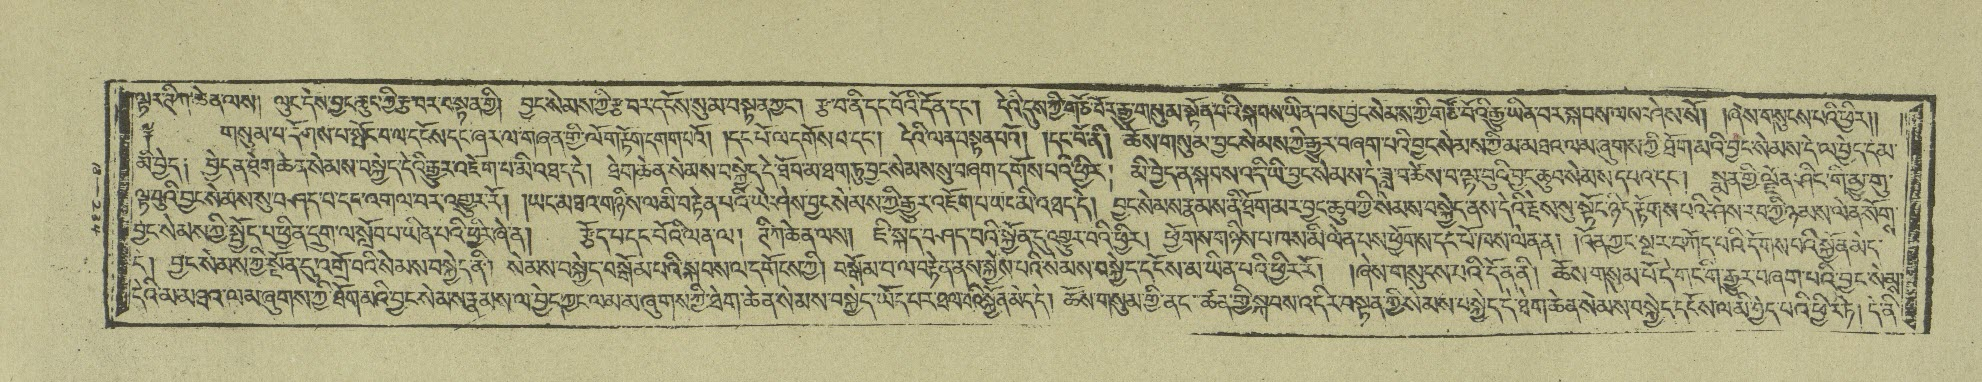ལྟར་ཊིཀ་ཆེན་ལས། ལུང་དེས་བྱང་ཆུབ་ཀྱི་རྩ་བར་བསྟན་གྱི། བྱང་སེམས་ཀྱི་རྩ་བར་དངོས་སུ་མ་བསྟན་ཀྱང་། རྩ་བ་ནི་དང་པོའི་དོན་དང་། དེའི་དུས་ཀྱི་གཙོ་བོར་རྒྱུ་གསུམ་སྟོན་པའི་སྐབས་ཡིན་པས་བྱང་སེམས་ཀྱི་གཙོ་བོའི་རྒྱུ་ཡིན་པར་སྐབས་ལས་ཤེས་སོ། །ཞེས་གསུངས་པའི་ཕྱིར།། །
༈ གསུམ་པ་དོགས་པ་སྤོང་བ་ལ་དངོས་དང་ཞར་ལ་གཞན་གྱི་ལོག་རྟོག་དགག་པའོ། །དང་པོ་ལ་དགོས་པ་དང་། དེའི་ལན་བསྟན་པའོ། །དང་པོ་ནི། ཆོས་གསུམ་བྱང་སེམས་ཀྱི་རྒྱུར་བཞག་པའི་བྱང་སེམས་ཀྱི་མ་མཐའ་ལམ་ཞུགས་ཀྱི་ཐོག་མའི་བྱང་སེམས་དེ་ལ་བྱེད་དམ་
མི་བྱེད། བྱེད་ན་ཐེག་ཆེན་སེམས་བསྐྱེད་དེའི་རྒྱུར་འཇོག་པ་མི་འཐད་དེ། ཐེག་ཆེན་སེམས་བསྐྱེད་དེ་ཐོབ་མ་ཐག་ཏུ་བྱང་སེམས་སུ་བཞག་དགོས་པའི་ཕྱིར། མི་བྱེད་ན་སྐབས་འདི་ཡི་བྱང་སེམས་དེ་ཟླ་བ་ཚེས་པ་ལྟ་བུའི་བྱང་ཆུབ་སེམས་དཔའ་དང་། སྨན་གྱི་ལྗོན་ཤིང་གི་མྱུ་གུ་
ལྟ་བུའི་བྱང་སེམས་སུ་བཤད་པ་དང་འགལ་བར་འགྱུར་རོ། །ཡང་མཐའ་གཉིས་ལ་མི་བརྟེན་པའི་ཡེ་ཤེས་བྱང་སེམས་ཀྱི་རྒྱུར་འཇོག་པ་ཡང་མི་འཐད་དེ། བྱང་སེམས་རྣམས་ནི་ཐོག་མར་བྱང་ཆུབ་ཀྱི་སེམས་བསྐྱེད་ནས་དེའི་རྗེས་སུ་སྟོང་ཉིད་རྟོགས་པའི་ཤེས་རབ་ཀྱི་ཉམས་ལེན་སོགས་
བྱང་སེམས་ཀྱི་སྤྱོད་པ་ཕྱིན་དྲུག་ལ་སློབ་པ་ཡིན་པའི་ཕྱིར་ཞེ་ན། རྩོད་པ་དང་པོའི་ལན་ལ། ཊིཀ་ཆེན་ལས། ཇི་སྐད་བཤད་པའི་སྐྱོན་དུ་འགྱུར་བའི་ཕྱིར། ཕྱོགས་གཉིས་པ་ཁས་མི་ལེན་པས་ཕྱོགས་དང་པོ་ཁས་ལེན་ན། །འོན་ཀྱང་སྔར་བཀོད་པའི་དོགས་པའི་སྐྱོན་མེད་
དེ། བྱང་སེམས་ཀྱི་སྔོན་དུ་འགྲོ་བའི་སེམས་བསྐྱེད་ནི། སེམས་བསྐྱེད་བསྒོམ་པའི་སྐབས་ལ་དགོངས་ཀྱི། བསྒོམ་པ་ལ་བརྟེན་ནས་སྐྱེས་པའི་སེམས་བསྐྱེད་དངོས་མ་ཡིན་པའི་ཕྱིར་རོ། །ཞེས་གསུངས་པའི་དོན་ནི། ཆོས་གསུམ་པོ་དེ་གང་གི་རྒྱུར་བཞག་པའི་བྱང་སེམས་
དེའི་མ་མཐའ་ལམ་ཞུགས་ཀྱི་ཐོག་མའི་བྱང་སེམས་རྣམས་ལ་བྱེད་ཀྱང་ལམ་མ་ཞུགས་ཀྱི་ཐེག་ཆེན་སེམས་བསྐྱེད་ཡོད་པར་ཐལ་བའི་སྐྱོན་མེད་དེ། ཆོས་གསུམ་གྱི་ནང་ཚན་གྱི་སྐབས་འདིར་བསྟན་གྱི་སེམས་བསྐྱེད་དེ་ཐེག་ཆེན་སེམས་བསྐྱེད་དངོས་ལ་མི་བྱེད་པའི་ཕྱིར་ཏེ། དེ་ནི་